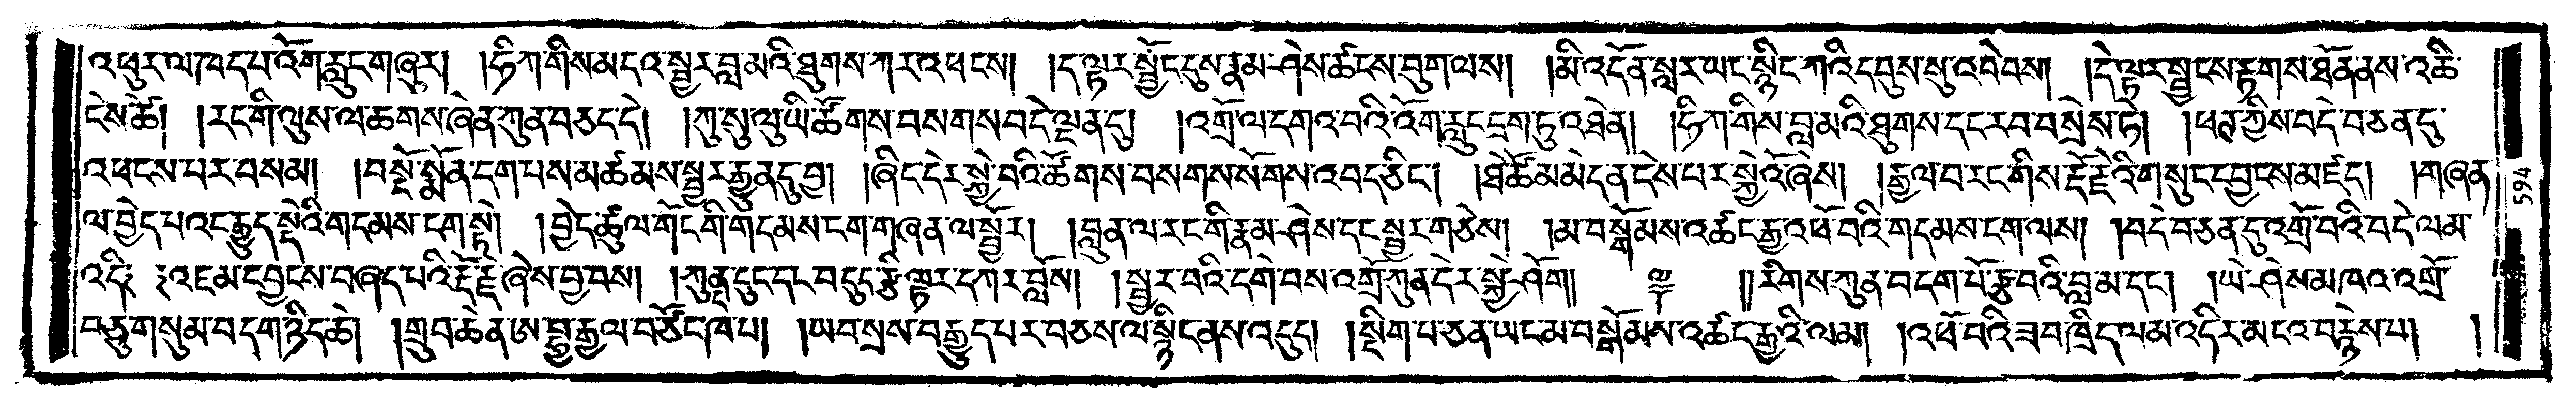འཕུར་ལ་ཁང་པ་འོག་རླུང་གཞུར། །ཧིཀ་གིས་མངའ་སྦྱར་བླ་མའི་ཐུགས་ཀར་འཕངས། །ད་ལྟར་སྦྱོང་དུས་རྣམ་ཤེས་ཚངས་བུག་ལས། །མི་འདོན་སླར་ཡང་སྙིང་ཀའི་དབུས་སུ་འབེབས། །དེ་ལྟར་སྦྱངས་རྟགས་ཐོན་ནས་འཆི་
ངེས་ཚེ། །རང་གི་ལུས་ལ་ཆགས་ཞེན་ཀུན་བཅད་དེ། །ཀུ་སུ་ལུ་ཡི་ཚོགས་བསགས་བདེ་ལྡན་དུ། །འགྲོ་ལ་དགའ་བའི་འོག་རླུང་དྲག་ཏུ་འཐེན། །ཧིཀ་གིས་བླ་མའི་ཐུགས་དང་རབ་བསྲེས་ཏེ། །ཕཊ་ཀྱིས་བདེ་བ་ཅན་དུ་
འཕངས་པར་བསམ། །བསྔོ་སྨོན་དག་པས་མཚམས་སྦྱར་རྒྱུན་དུ་བྱ། །ཞིང་དེར་སྐྱེ་བའི་ཚོགས་བསགས་སོགས་འབད་ཅིང་། །ཐེ་ཚོམ་མེད་ན་ངེས་པར་སྐྱེའོ་ཞེས། །རྒྱལ་བ་རང་གིས་རྡོ་རྗེའི་གསུང་དབྱངས་མཛད། །གཞན་
ལ་བྱེད་པའང་རྒྱུད་སྡེའི་གདམས་ངག་སྟེ། །བྱེད་ཚུལ་གོང་གི་གདམས་ངག་གཞན་ལ་སྦྱོར། །བླུན་ལ་རང་གི་རྣམ་ཤེས་དང་སྦྱར་གཅེས་།མ་བསྒོམས་འཚང་རྒྱ་འཕོ་བའི་གདམས་ངག་ལས། །བདེ་བ་ཅན་དུ་འགྲོ་བའི་བདེ་ལམ་
འདི༑ ༑འཇམ་དབྱངས་བཞད་པའི་རྡོ་རྗེ་ཞེས་བྱ་བས། །ཀུནྡ་དུང་དང་བདུད་རྩི་ལྟར་དཀར་བློས། །སྦྱར་བའི་དགེ་བས་འགྲོ་ཀུན་དེར་སྐྱེ་ཤོག། ༈ །།རིགས་ཀུན་བདག་པོ་རྩ་བའི་བླ་མ་དང་། །ཡེ་ཤེས་མཁའ་འགྲོ་
བཅུ་གསུམ་བདག་ཉིད་ཆེ། །གྲུབ་ཆེན་ཨ་བྷྱ་རྒྱལ་བཙོང་ཁ་པ། །ཡབ་སྲས་བརྒྱུད་པར་བཅས་ལ་སྙིང་ནས་འདུད། །སྡིག་པ་ཅན་ཡང་མ་བསྒོམས་འཚང་རྒྱའི་ལམ། །འཕོ་བའི་ཟབ་ཁྲིད་ལམ་འདིར་མངའ་བརྙེས་པ། །